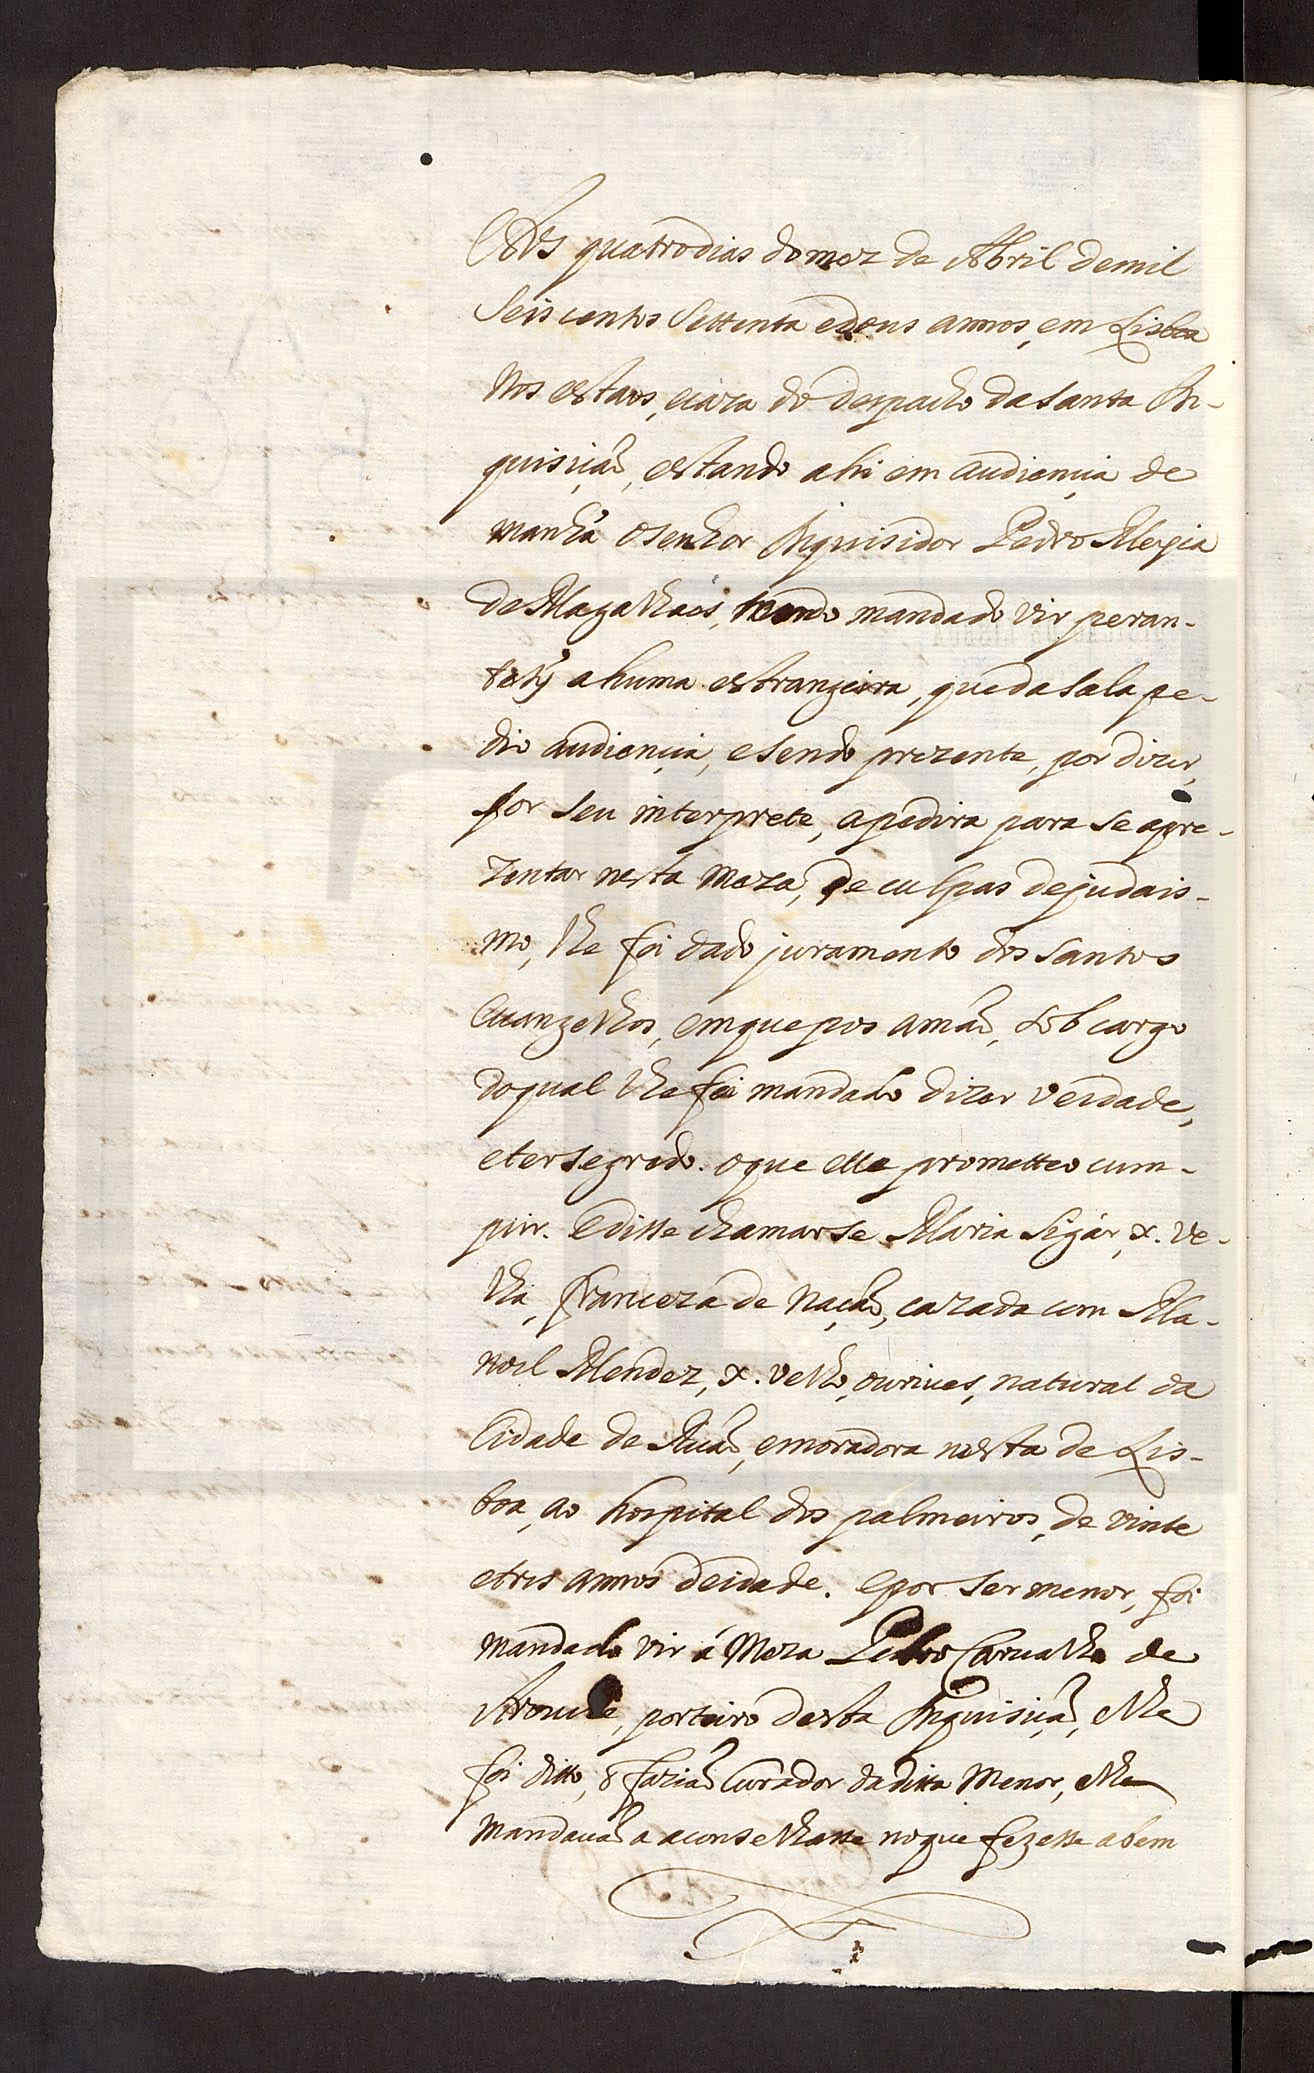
Aos quatro dias do mez de Abril de mil
Seiscentos Settenta e dous annos, em Lisboa
nos estaos, e caza do despacho da Santa In
quisição, estando ahi em audiencia de
manhã o senhor Inquisidor Pedro Mexia
de Magalhaes, tendo mandado vir peran
te Sy a huma estrangeira, que da Sala pe
dio audiencia e sendo prezente, por dizer,
por seu interprete, a pedira para se apre
zentar nesta meza de culpas de judais
mo, lhe foi dado juramento dos Santos
Euangelhos, em que pos a mão, sob cargo
do qual lhe foi mandado dizer verdade,
e ter segredo. O que ela prometteo cum
prir. E disse chamar se Maria Sigár, x. ve
lha, franceza de nação, cazada com Ma
noel Mendez, x. velho, ouriues, natural da
Cidade de Ruão, e moradora nesta de Lis
boa, ao hospital dos palmeiros, de vinte
e tres annos de idade. e por ser menor, foi
mandado vir á Meza Pedro Carualho de
Arouc_e, porteiro desta Inquisição, e lhe
foi ditto, o fazião Curador da ditta Menor, e lhe
mandauão a aconselhasse no que fezesse a bem
